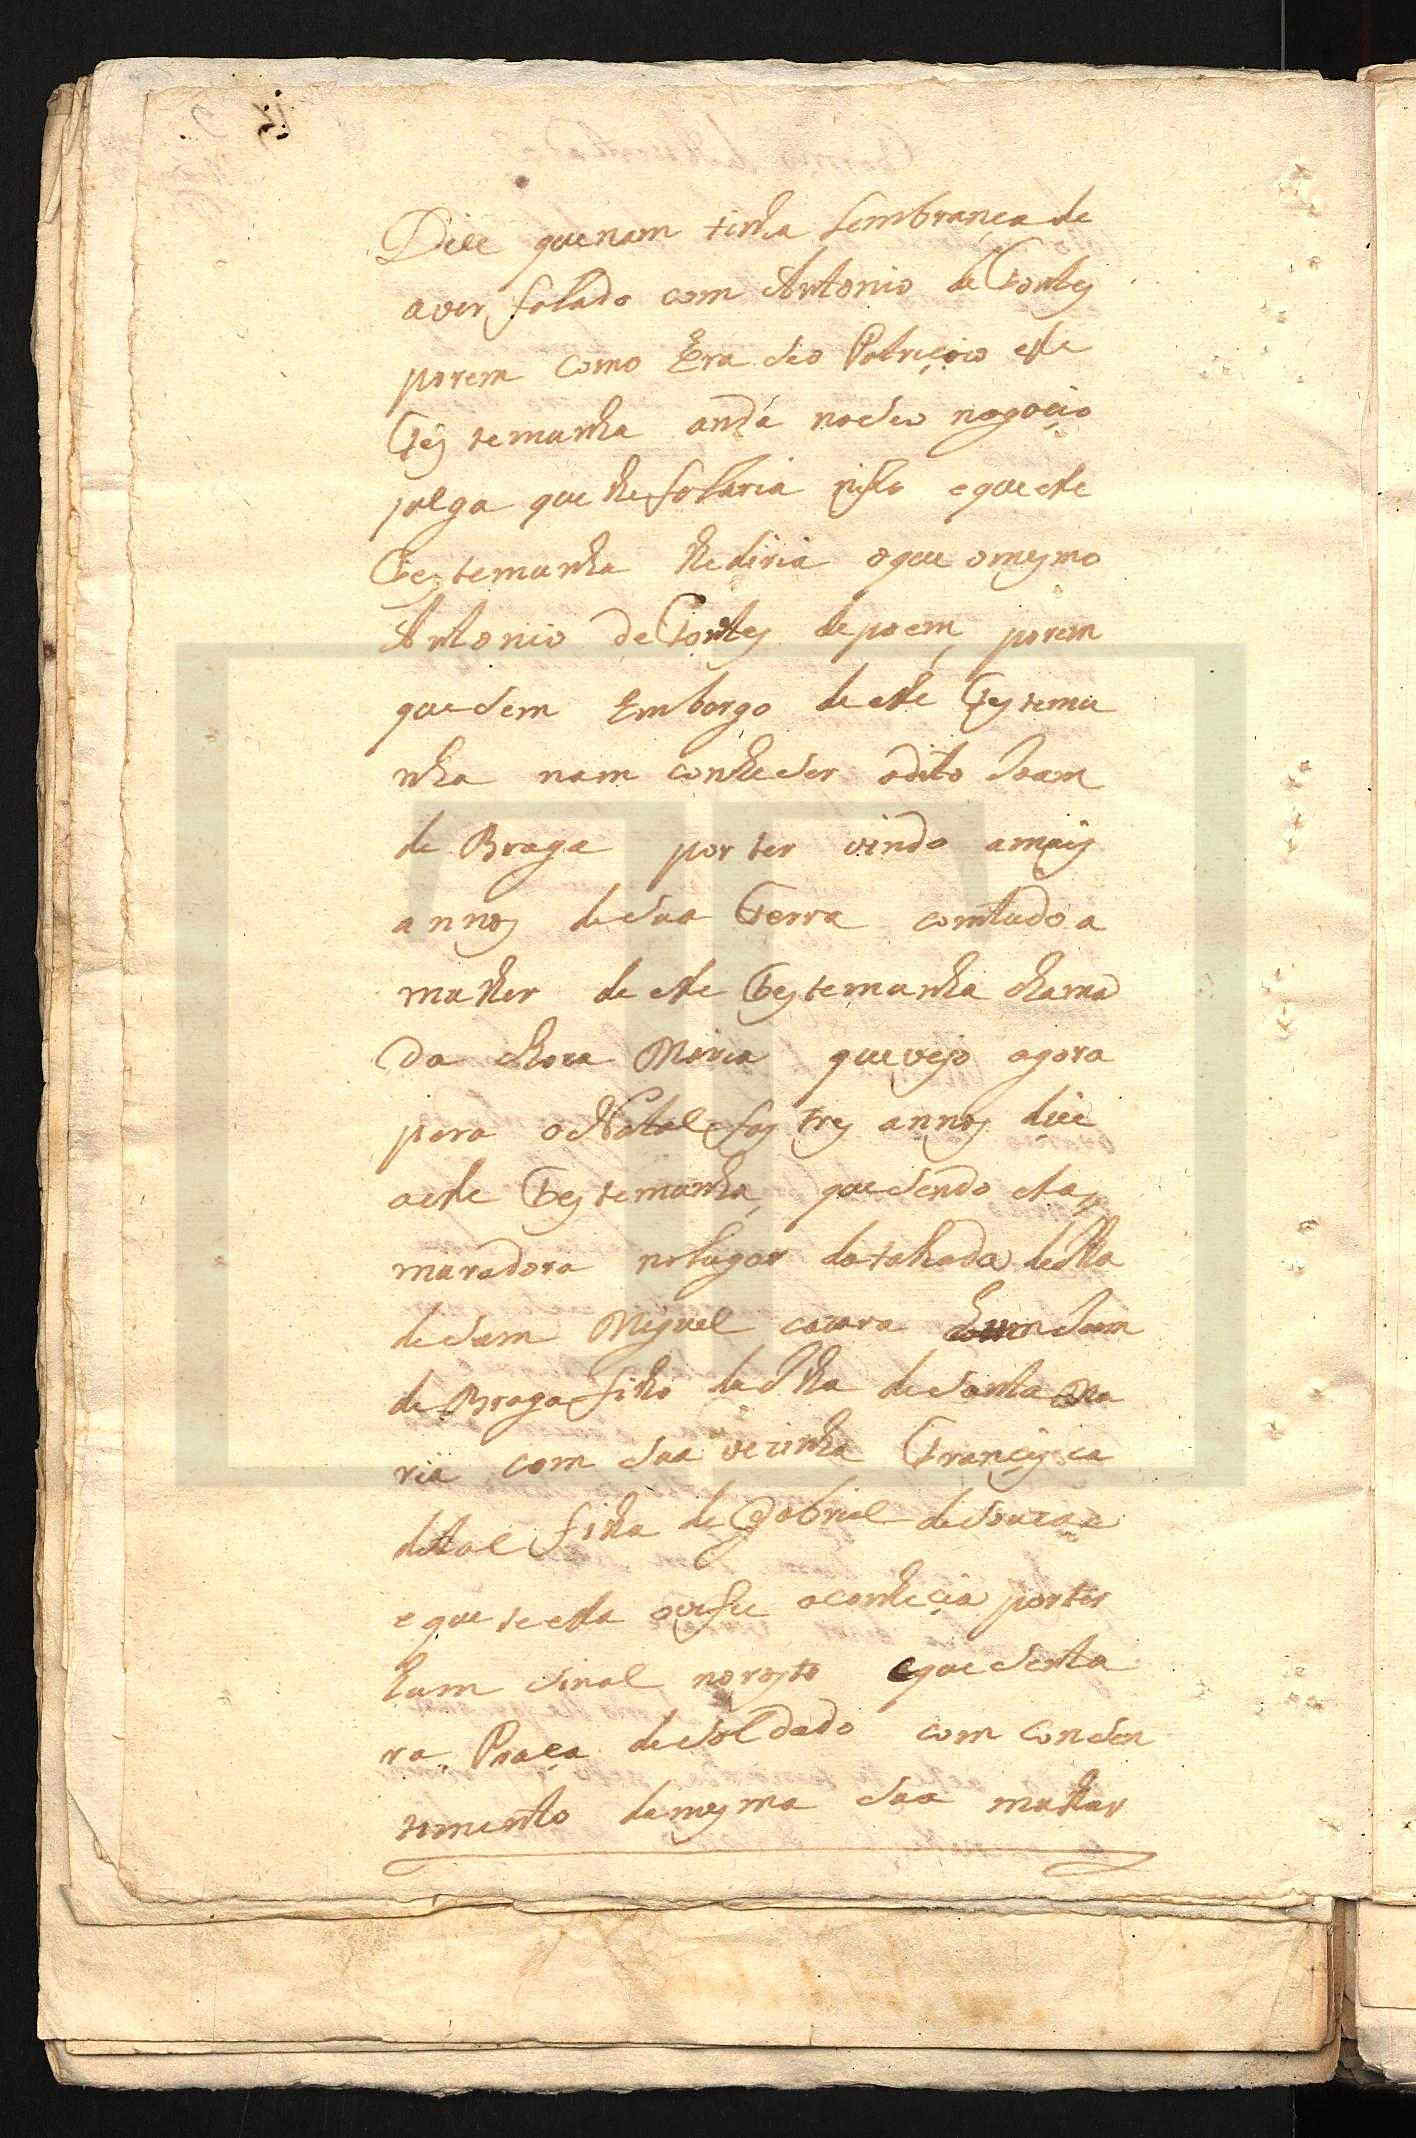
Dice que nam tinha lembrança de
aver falado com Antonio de Fontes
porem como Era seo Patriçoio elle
Testemunha anda no seo nogocio
julga que lhe falaria nisso o que elle
Testemunha lhe diria o que o mesmo
Antonio de Fontes depoem porem
que sem Embargo de elle Testemu
nha nam conheser o dito Ioam
de Braga por ter vindo a mais
annos de Sua Terra, comtudo a
mulher de elle Testemunha chama
da Roza Maria que vejo agora
para o Natal fas tres annos dice
a ele Testemunha, que sendo ela
moradora no Lugar da talhada de Ilha
de Sam Miguel cazara hum Ioam
de Braga filho de Ilha de Santa Ma
ria com sua vezinha Francisca
dita e filha de Gabriel de Souza
e que se ella o visse o conhecia por ter
hum sinal no rosto e que senta
ra, Praça de Soldado com consen
timento da mesma sua mulher
